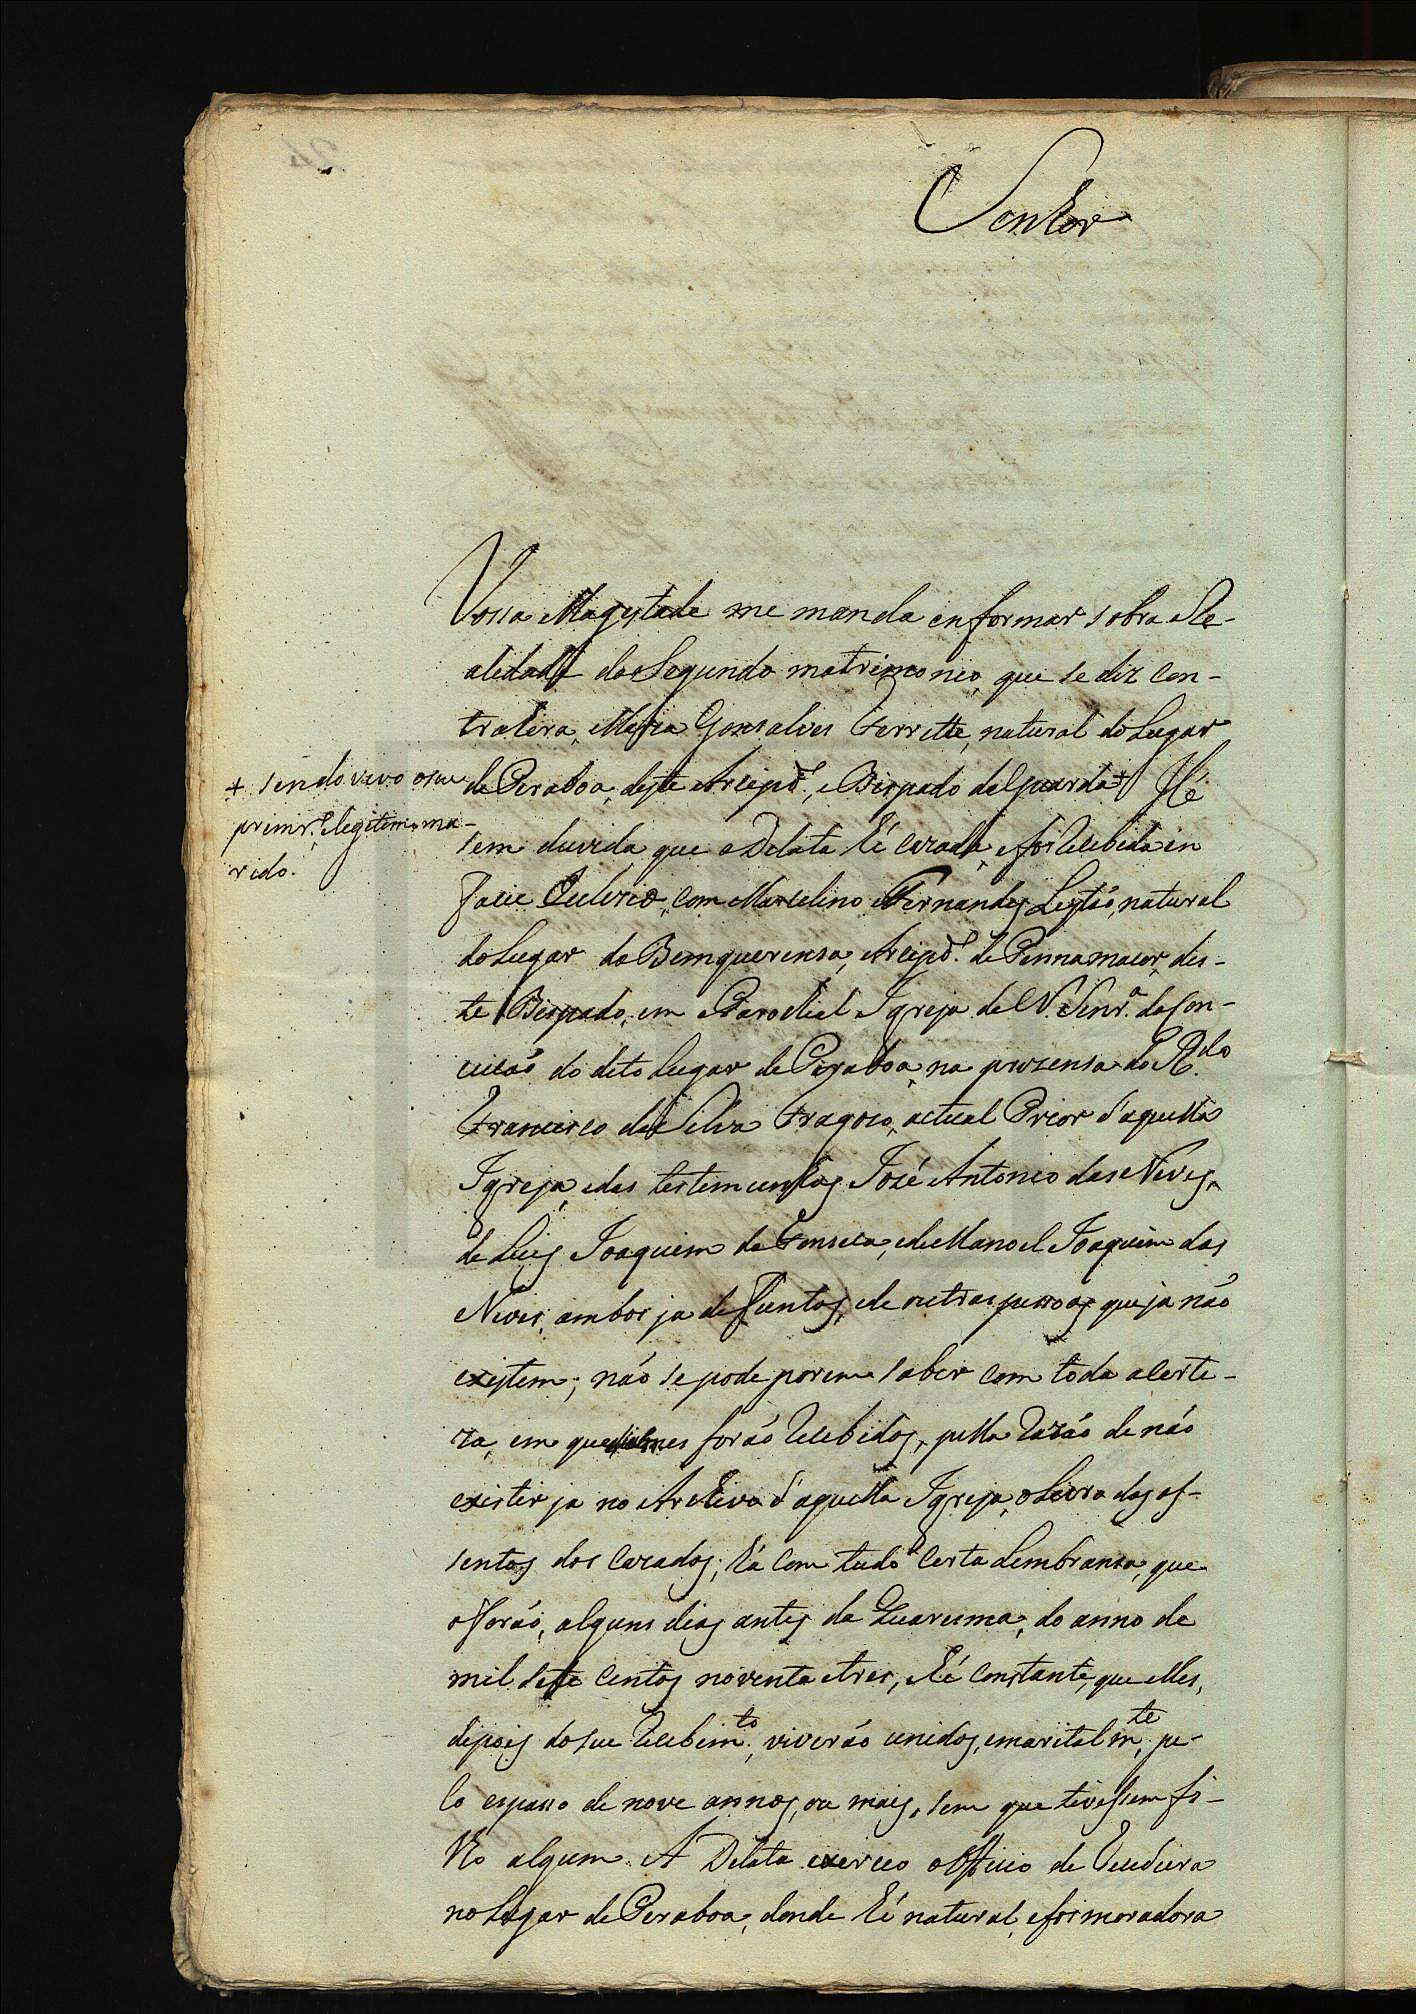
Senhor
Vossa Magestade me manda enformar sobre a Re
aledade do Segundo matrimonio que se diz con
trahera Maria Gonsalves Ferrette, natural do Lugar
de Peraboa, deste Arcipd.o, e Bispado da Guarda = Hé
sem duvida que a Delata hé cazada e foi Recebida in
facie Ecclezio, com Marcelino Fernandes Leytaõ, natural
do Lugar de Bemquerensa, Arcipd.o de Pennamacor, des
te Bispado, em Parochial Igreja de N. Senr.a da Con
ceicaõ do dito Lugar de Peraboa, na prezensa do R.do
Francisco da Silva Fragozo, actual Prior d'aquella
Igreja, e das testemunhas Iozé Antonio das Neves,
de Luis Ioaquim da Fonseca, e de Manoel Ioaquim das
Neves, ambos ja defuntos, e de outras pessoas que ja não
existem; naõ se pode porem saber com toda a certe
za, em que dia e mes foraõ Recebidos, pella Razaõ de não
existir ja no Archivo d'aquella Igreja, o Livro dos as
sentos dos cazados, há com tudo certa Lembransa, que
o foraõ, alguns dias antes da Quaresma, do anno de
mil sete centos noventa e tres, hé constante que elles,
depois do seu Recebim.to, viveraõ unidos, e maritalmte, pe
lo espasso de nove annos, ou mais, sem que tivessem fi
lho algum. A Delata exerceo o officio de Tecedeira
no Lugar de Peraboa, donde hé natural, e foi moradora
